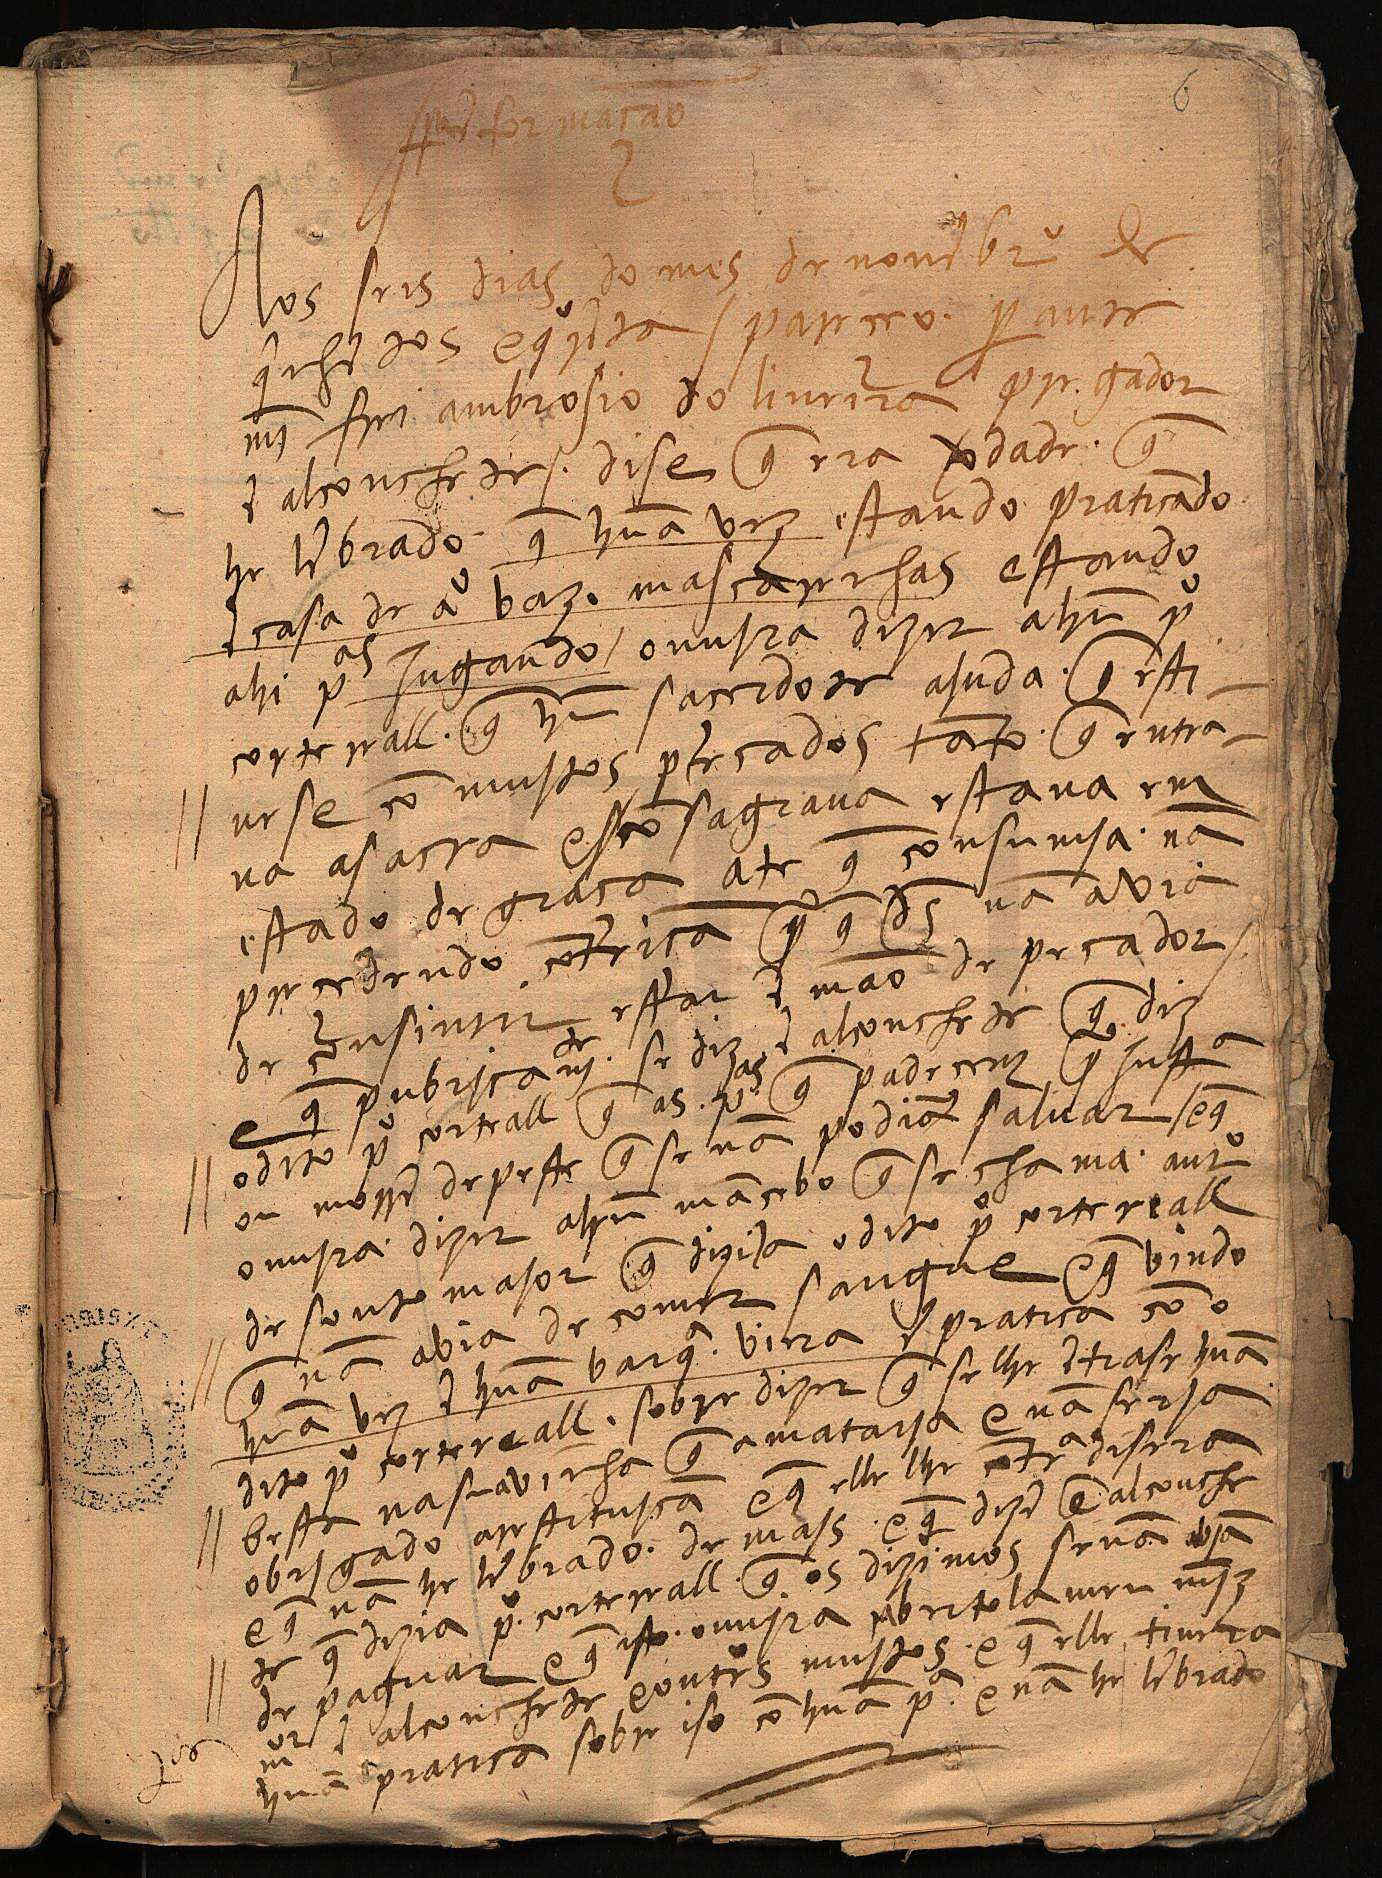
ꝑa ēformação
Aos seis dias do mes de nouēbro de
qinhētos e qorētestemunha / pareçeo. ꝑante
m̄j frei ambrosio doliueira pregador
ē alcouchete /. dise q̄ era ꝟdade. q̄
he lēbrado. q̄ hūa vez estando pratic̄ado
ē casa de ao vaz. mascarenhas estando
ahi pas Jugando / ouujra dizer a hū po
corte reall. q̄ hū saçerdote ajnda . q̄ esti
uese c̄o mujtos pecados tāto. q̄ entra
ua a sacra e scōsagraua estaua em
estado de graça ate q̄ consumja. n̄a
preçedendo c̄otriç̄a p̄oq̄ d̄s nā avia
de consintir estar ē mão de pecador/
e q̄ pubrjcamte. se diz ē alcouchete q̄ dis
o dito po corteall q̄ as. pas. q̄ padeçem p̄o Justa
ou morrē de peste q̄ se nā podiā saluar / e q̄
ouujra. dizer a hū māçebo q̄ se chama. anto
de soutomajor q̄ dizia o dito po corte reall
q̄ nā avia de comer sangue e q̄ vindo
huā vez ē huā braqa. viera ē pratica c̄o o
dito po corte reall. sobre dizer q̄ se lhe ētrase huā
besta na sua vinha q̄ a matarja e nā serja
obrjgado a restitujcā e q̄ elle lhe cōtradisera
e q̄ nā he lēbrado. de majs e q̄ dizē ē alcouche
te q̄ dizia po. corte reall q̄ os dizimos se nā avjā
de paguar e q̄ isto. ouujra a bertolameu m̄jz
mor ē alcouchete e outros mujtos. e q̄ elle tiuera
huā pratica sobre iso c̄o huā pa. e nā he lēbrado
